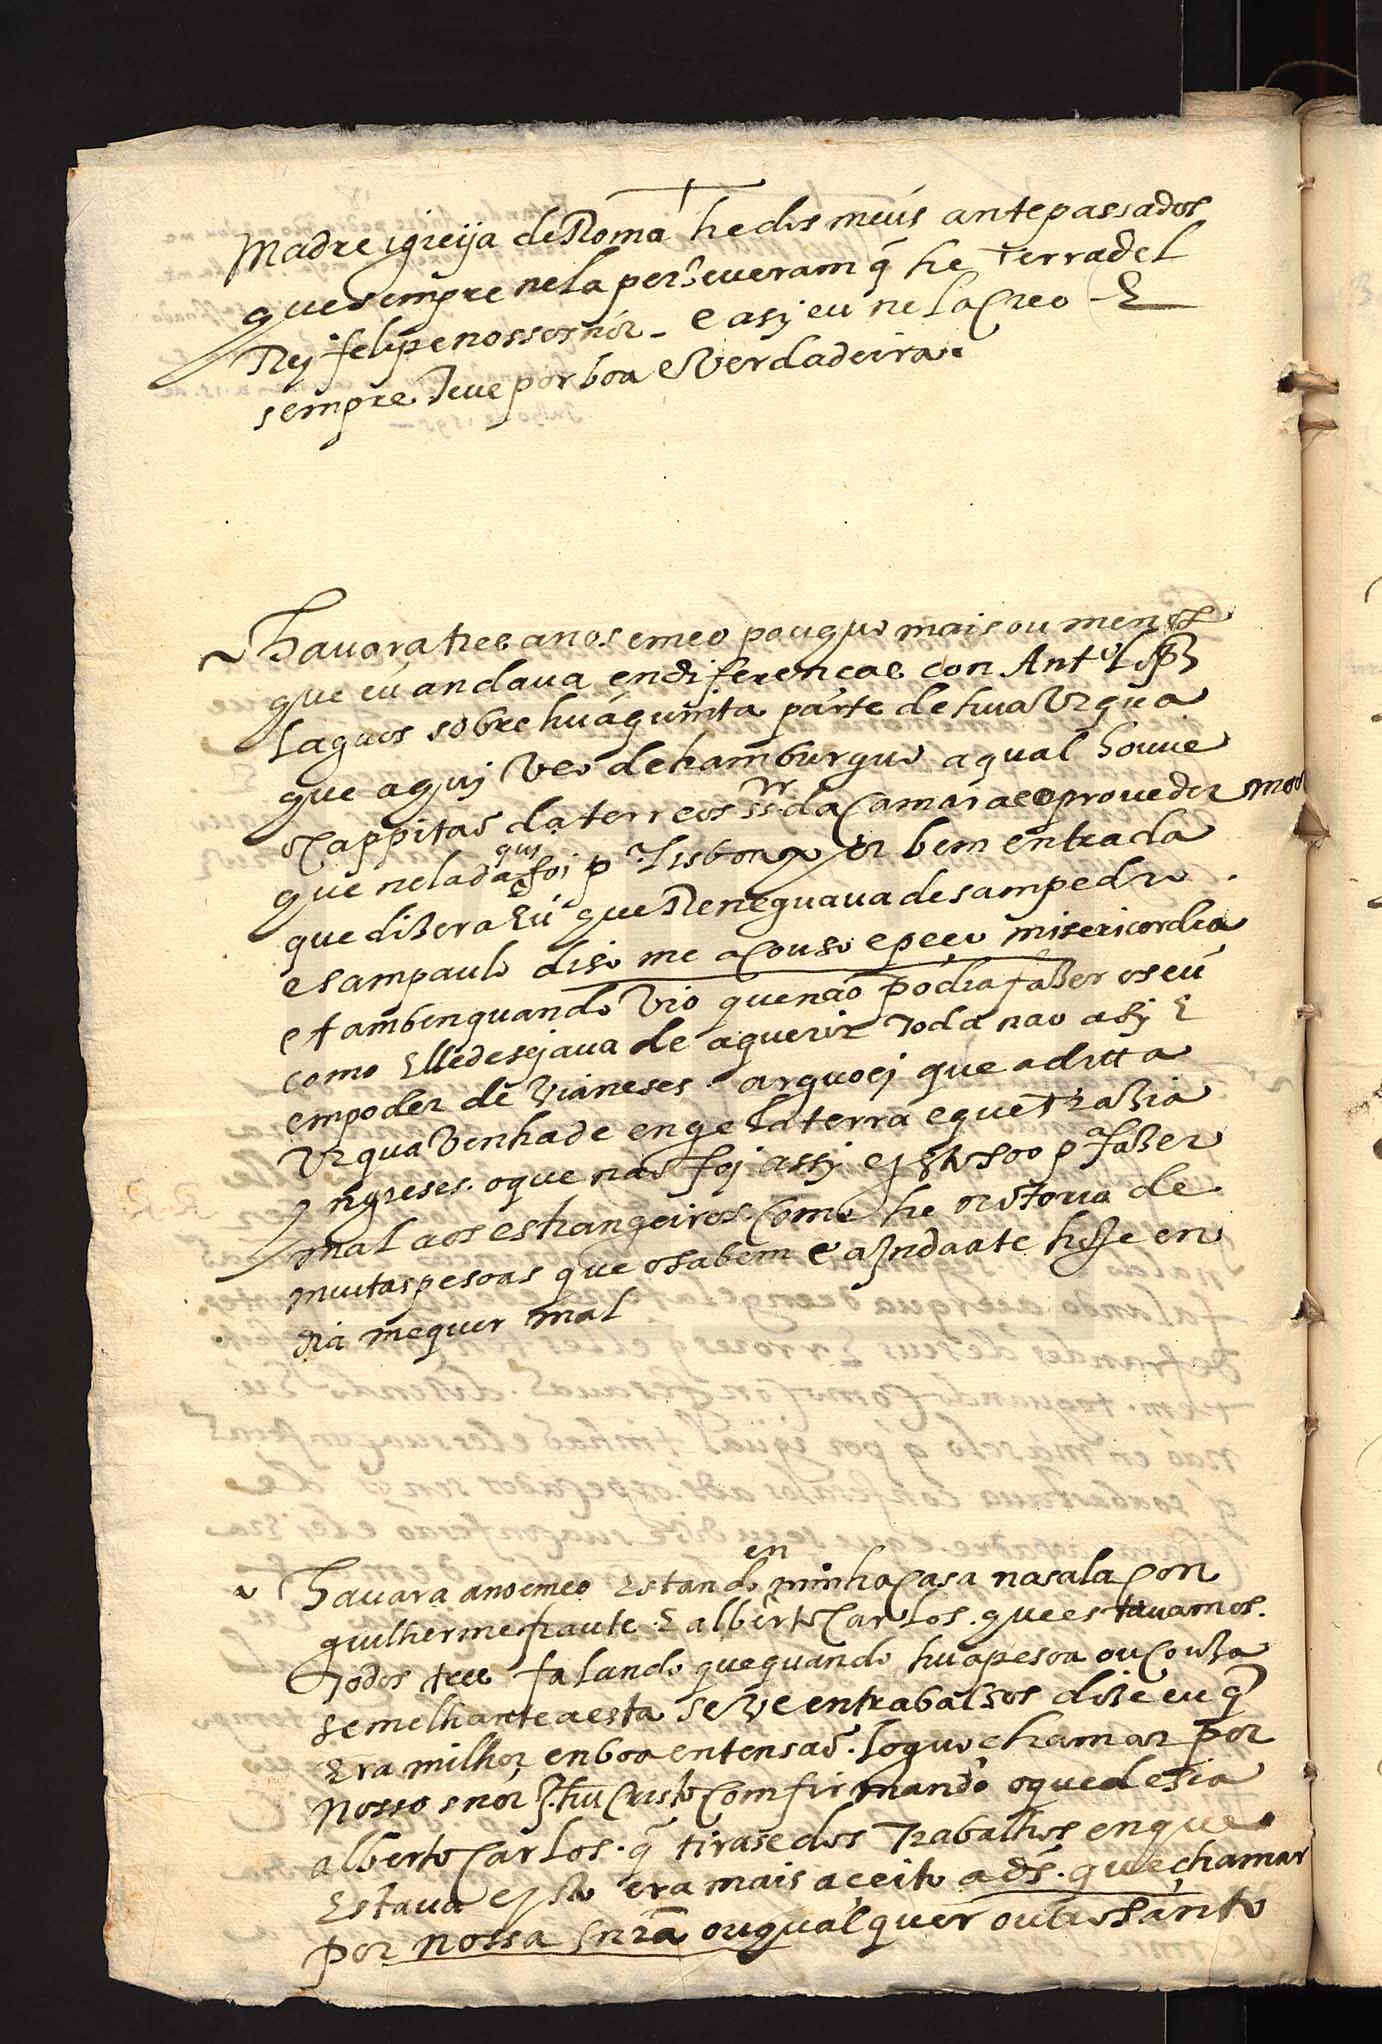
madre igreija de Roma he dos meus antepassados
que sempre nela perzeueram q̄ he terra del
Rej felipe nosso snōr- e asy eu nela Creo E
sempre Teue por boa e verdadeira.
hauara tres anos e meo pouquo mais ou menos
que eu andaua en diferençae con Anto Lopz̄
Laguos sobre huā quinta parte de hua urqua
que aquj veo de hamburguo a qual houue
o Cappitaõ da terre os ssrr. da Camara e o prouedor moo
qui
que nela da foi pa. Lisbon por bem entrada
que dizera hū que Reneguaua de sam pedro
e sam paulo diso me aCouso e peço misericordia
e tamben quando Vio que naõ podia fazer o seu
como Elle desejaua de aquerir Toda nao asy E
em poder de Vianeses arguoej que a ditta
Vrqua venha de engelaterra e que trazia
jngreses. o que nao foj assy e jsto soo pa fazer
mal aos estrangeiros Como he notorio de
muitas pesoas que o sabem e aJnda ate hoJe en
dia me quer mal
hauara ano e meo Estando
en
minha Casa na sala Con
guilherme fraute E alberto Carlos que estauamos
Todos tres falando que quando hua pesoa ou Couza
semelhante a esta se ve en trabalhos dize eu q̄
Era milhor en boa entensaõ. Loguo çhamar por
nosso snōr Jh̄u Cristo Comfirmando o que desia
alberto Carlos. q̄ tirase dos Trabalhos en que
Estaua e jsto era mais açeito a ds̄. que çhamar
por nossa snr̄a ou qualquer outro santo
